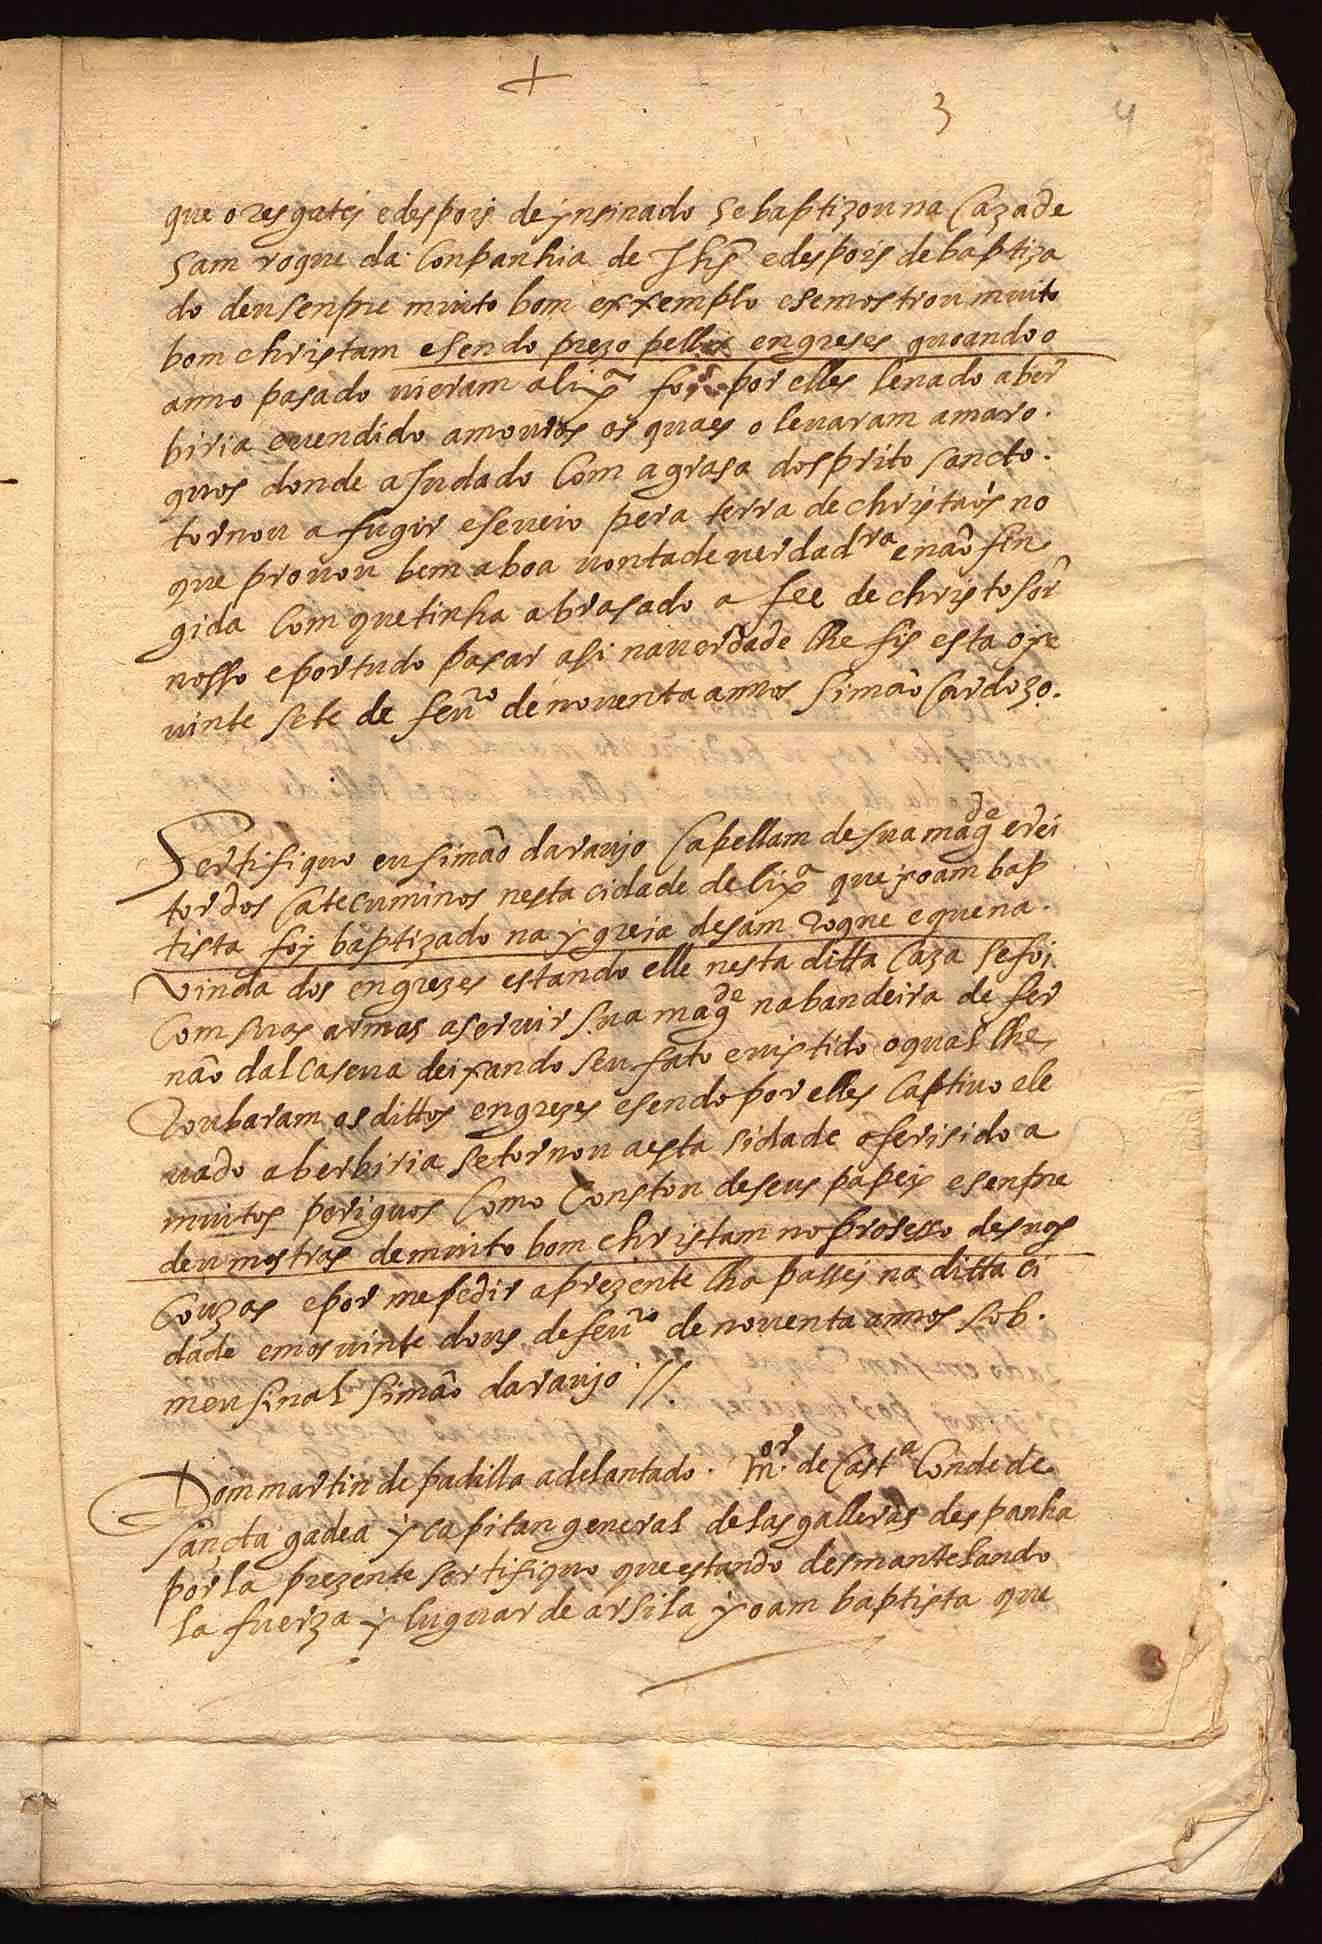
que o resgatej e despois de ynsinado se baptizou na Caza de
Sam roque da Conpanhia de Jhs̄ e despois de baptiza
do deu senpre muito bom exxemplo e se mostrou muito
bom christam e sendo prezo pellos engreses quoando o
anno pasado uieram a lixa foi por elles leuado a ber
biria e uendido a mouros os quaes o leuaram a maro
quos donde aJudado Com a grasa do sprito sancto.
tornou a fugir e se ueio pera terra de christaõs no
que prouou bem a boa uontade uerdadra e naõ fin
gida Com que tinha abrasado a fee de christo sor̄
nosso e por tudo pasar asi na uerdade lhe fis esta oye
uinte sete de feuro de nouenta annos Simaõ Cardozo.
Sertifiquo eu simão daraujo Capellam de sua magde e rei
tor dos Catecuminos nesta cidade de lixa que yoam bap
tista foy baptizado na ygreia de sam Roque e que na
Vinda dos engrezes estando elle nesta ditta Caza se foi
Com suas armas a seruir sua magde na bandeira de fer
não dalcaseua deixando seu fato e uistido o qual lhe
Roubaram os dittos engrezes e sendo por elles Captiuo e le
uado a berbiria se tornou a esta sidade oferisido a
muitos periguos Como Constou de seus papeis e senpre
deu mostras de muito bom christam no prosesso de suas
Couzas e por me pedir a prezente lha passej na ditta ci
dade em os uinte dous de feuro de nouenta annos sob.
meu sinal simão daraujo. //.
Dom martin de padilla adelantado. M.or de Casta Conde de
Sancta gadea y capitan general de las galleras despanha
por la prezente sertifiquo que estando desmantelando
la fuerza y luguar de arsila yoam baptista que
